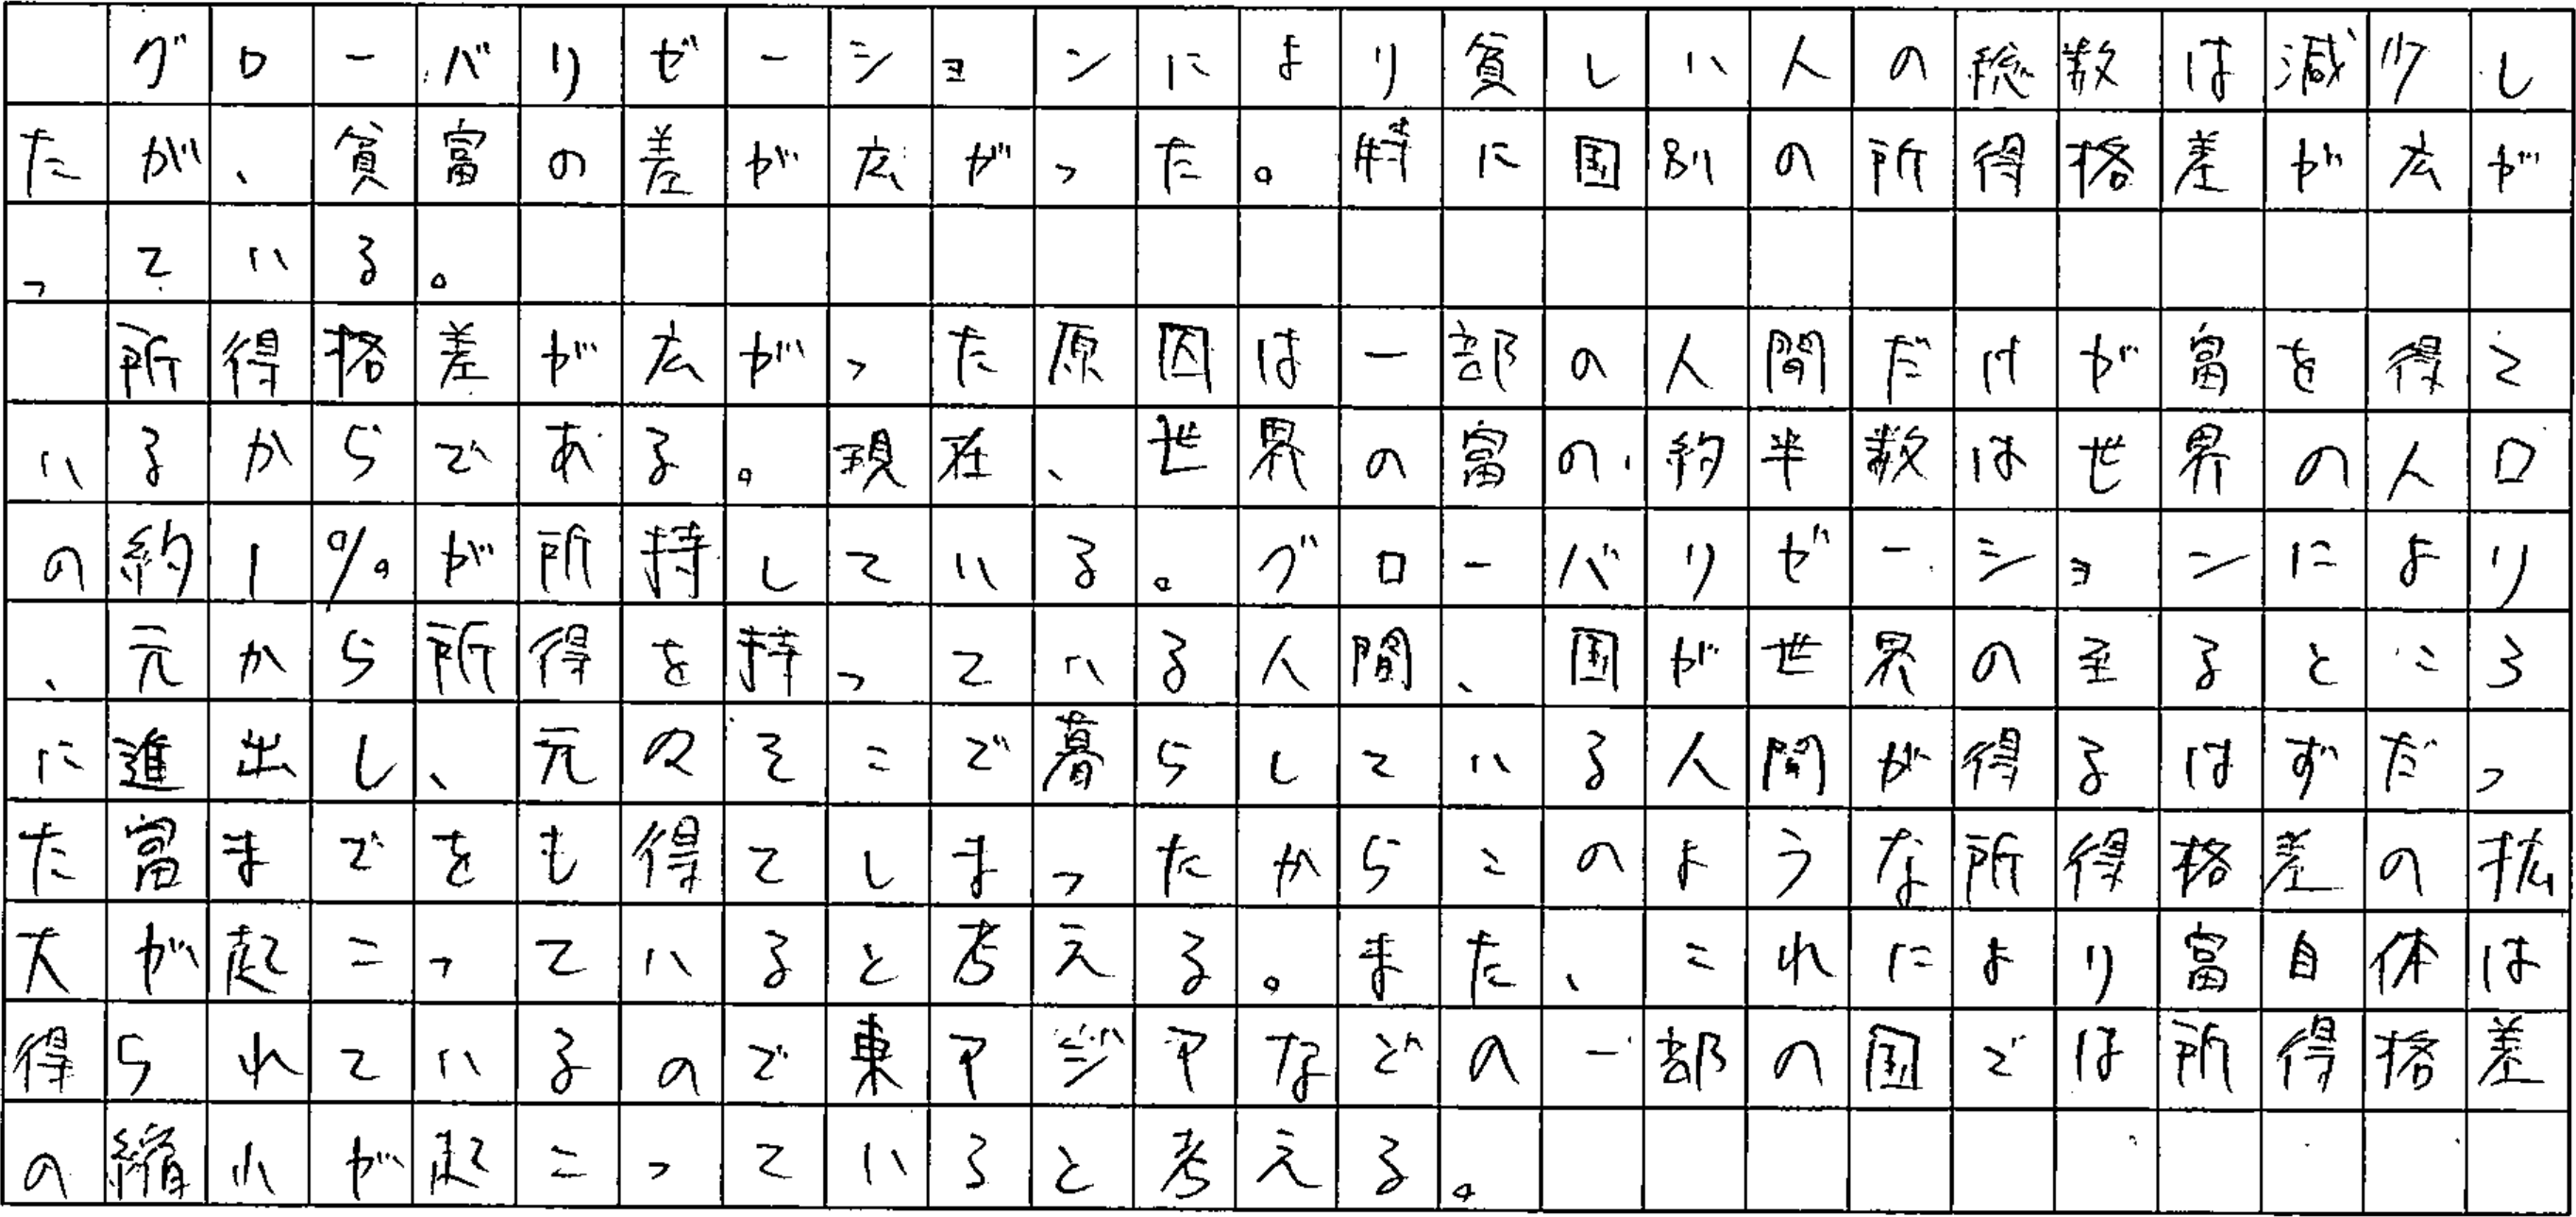　グローバリゼーションにより貧しい人の総数は減少したが、貧富の差が広がった。特に国別の所得格差が広がっている。
　所得格差が広がった原因は一部の人間だけが富を得ているからである。現在、世界の富の約半数は世界の人口の約１％が所持している。グローバリゼーションにより、元から所得を持っている人間、国が世界の至るところに進出し、元々そこで暮らしている人間が得るはずだった富までをも得てしまったからこのような所得格差の拡大が起こっていると考える。また、これにより富自体は得られているので東アジアなどの一部の国では所得格差の縮小が起こっていると考える。
